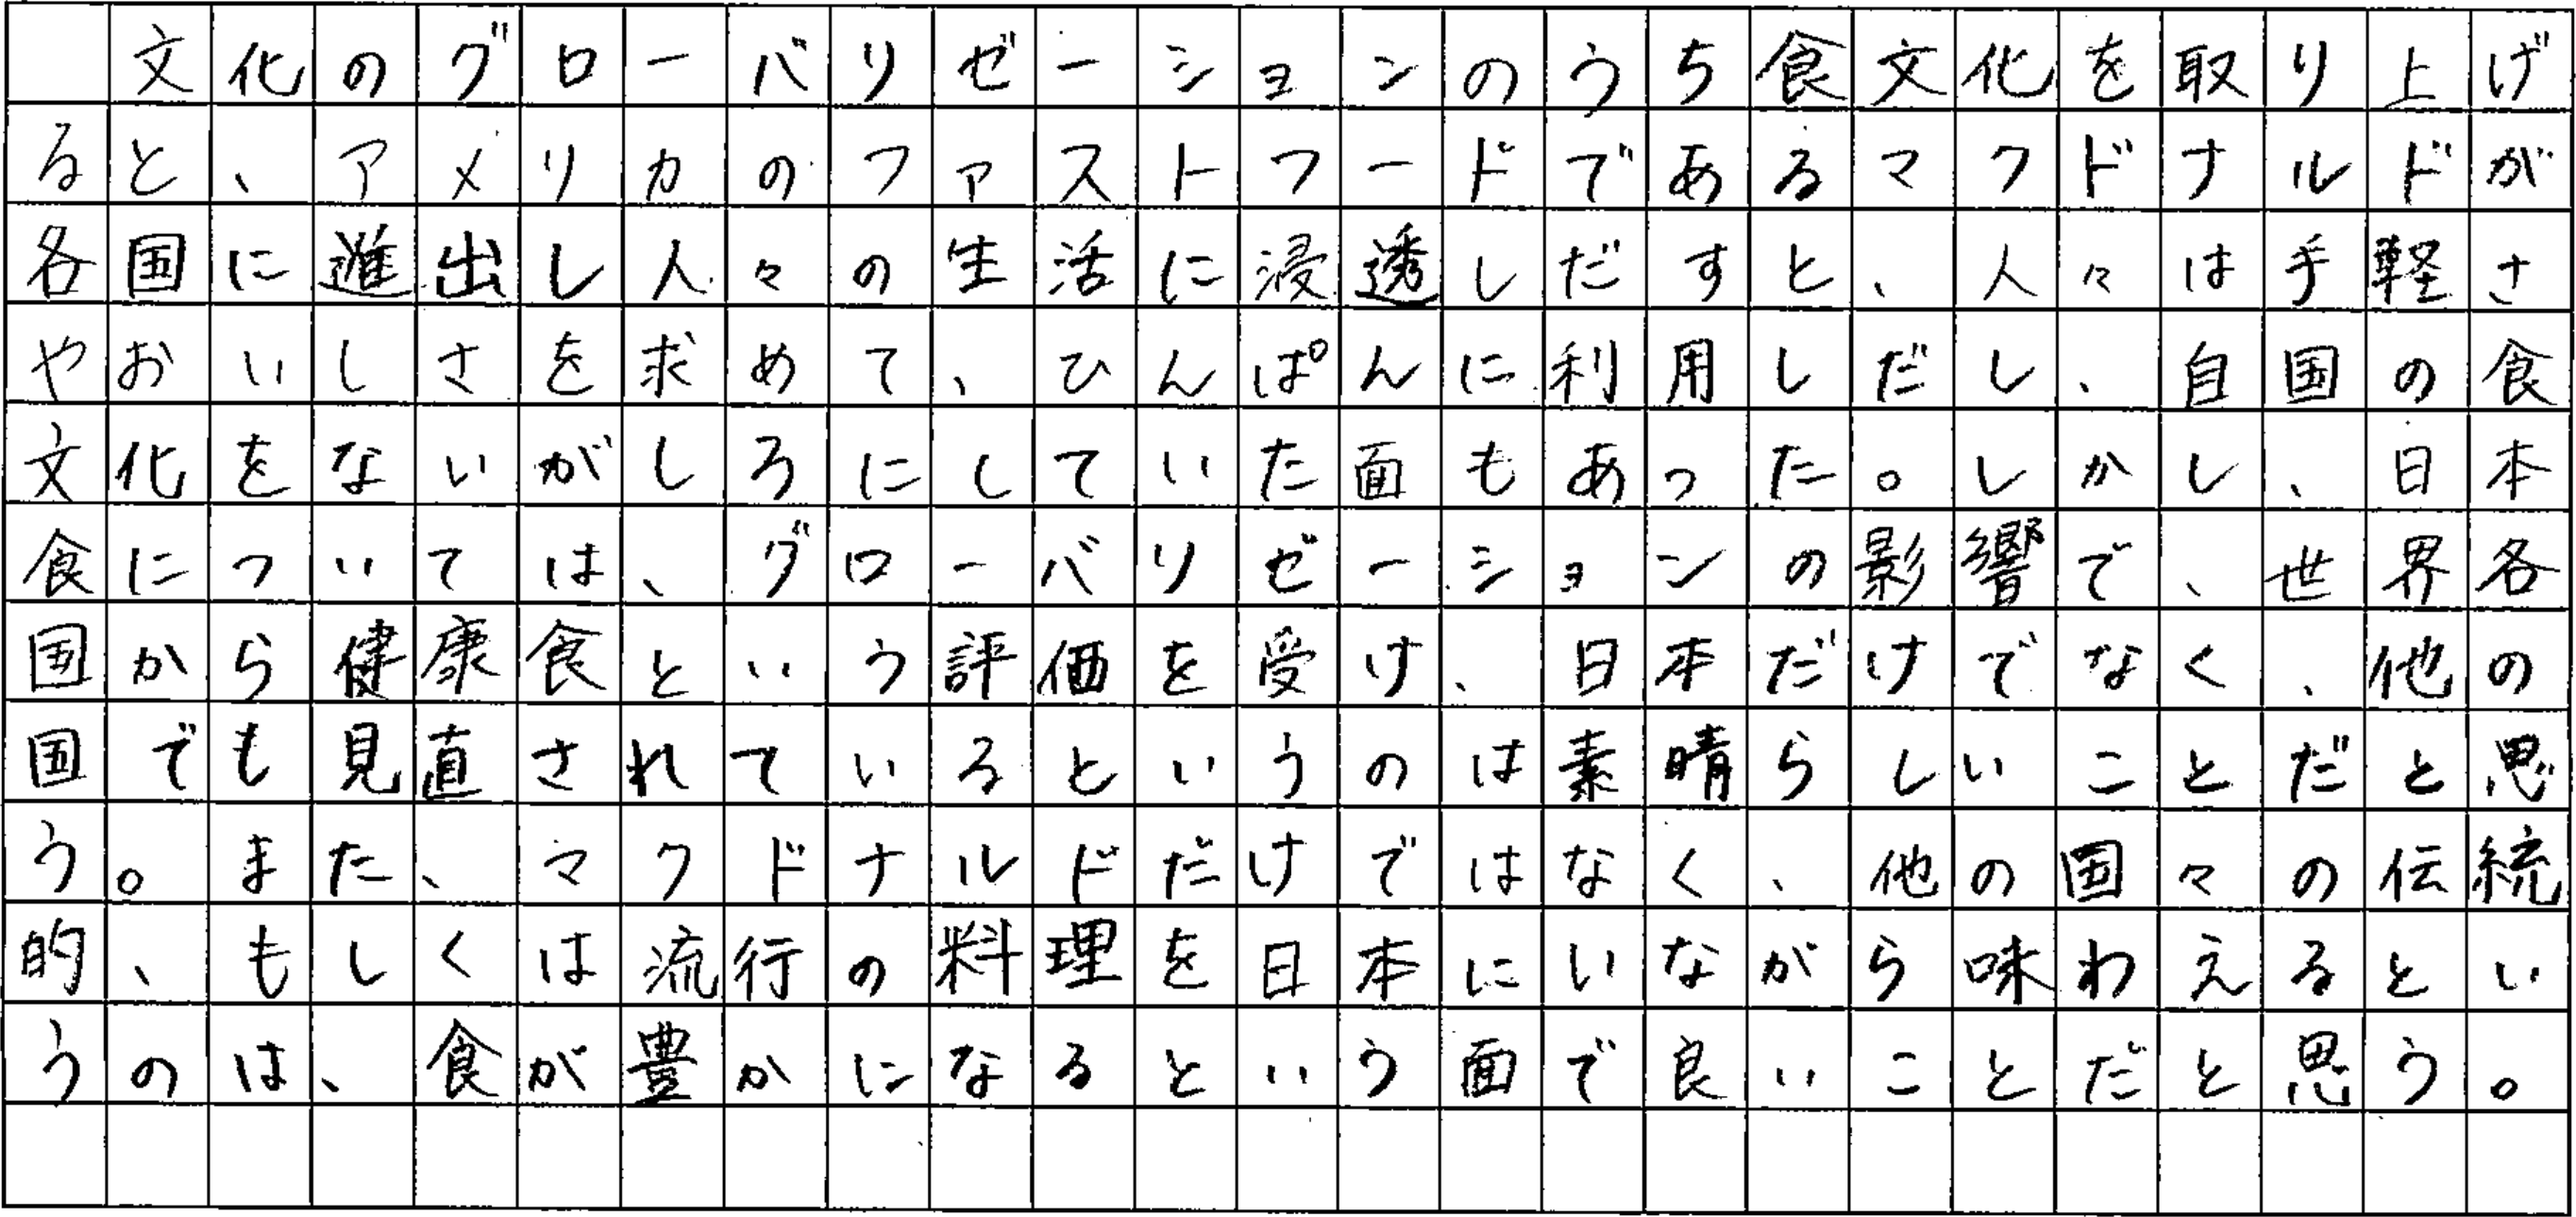　文化のグローバリゼーションのうち食文化を取り上げると、アメリカのファストフードであるマクドナルドが各国に進出し人々の生活に浸透しだすと、人々は手軽さやおいしさを求めて、ひんぱんに利用しだし、自国の食文化をないがしろにしていた面もあった。しかし、日本食については、グローバリゼーションの影響で、世界各国から健康食という評価を受け、日本だけでなく、他の国でも見直されているというのは素晴らしいことだと思う。また、マクドナルドだけではなく、他の国々の伝統的、もしくは流行の料理を日本にいながら味わえるというのは、食が豊かになるという面で良いことだと思う。
